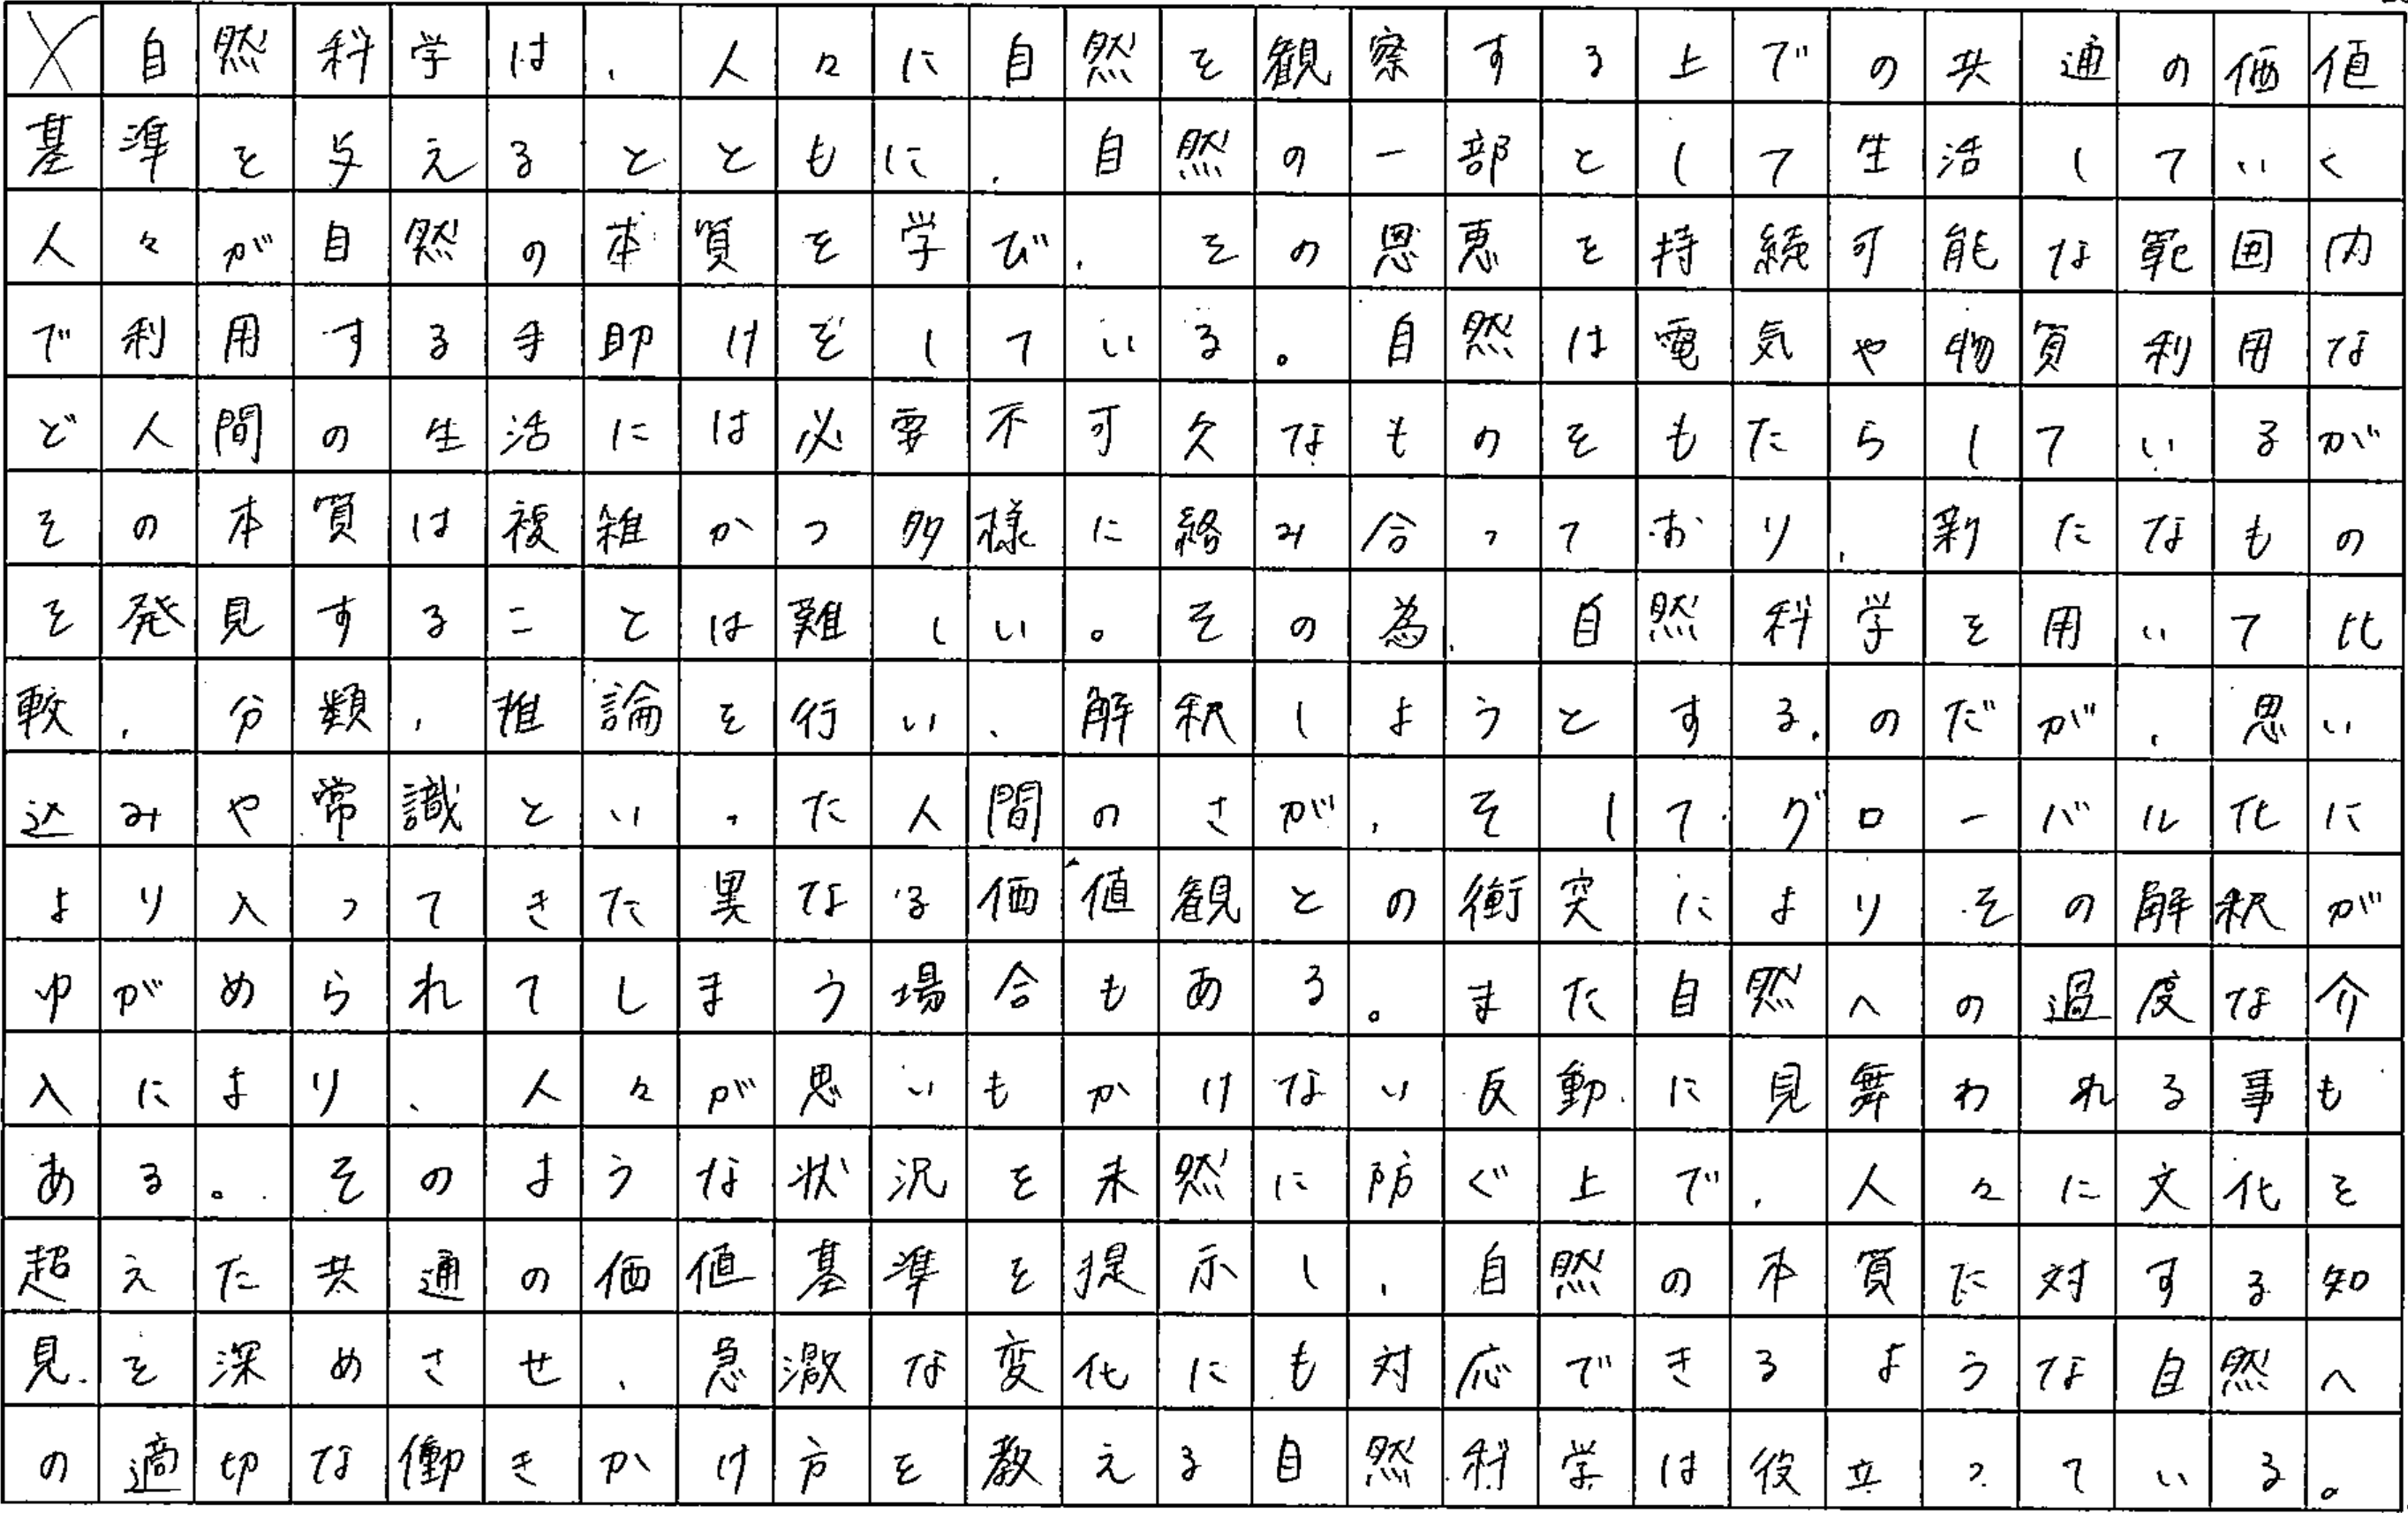　自然科学は、人々に自然を観察する上での共通の価値基準を与えるとともに、自然の一部として生活していく人々が自然の本質を学び、その恩恵を持続可能な範囲内で利用する手助けをしている。自然は電気や物質利用など人間の生活には必要不可欠なものをもたらしているがその本質は複雑かつ多様に絡み合っており、新たなものを発見することは難しい。その為、自然科学を用いて比較、分類、推論を行い、解釈しようとするのだが、思い込みや常識といった人間のさが、そしてグローバル化により入ってきた異なる価値観との▁突によりその解釈がゆがめられてしまう場合もある。また自然への過度な介入により、人々が思いもかけない反動に見舞われる事もある。そのような状況を未然に防ぐ上で、人々に文化を超えた共通の価値基準を提示し、自然の本質に対する知見を深めさせ、急激な変化にも対応できるような自然への適切な働きかけ方を教える自然科学は役立っている。
